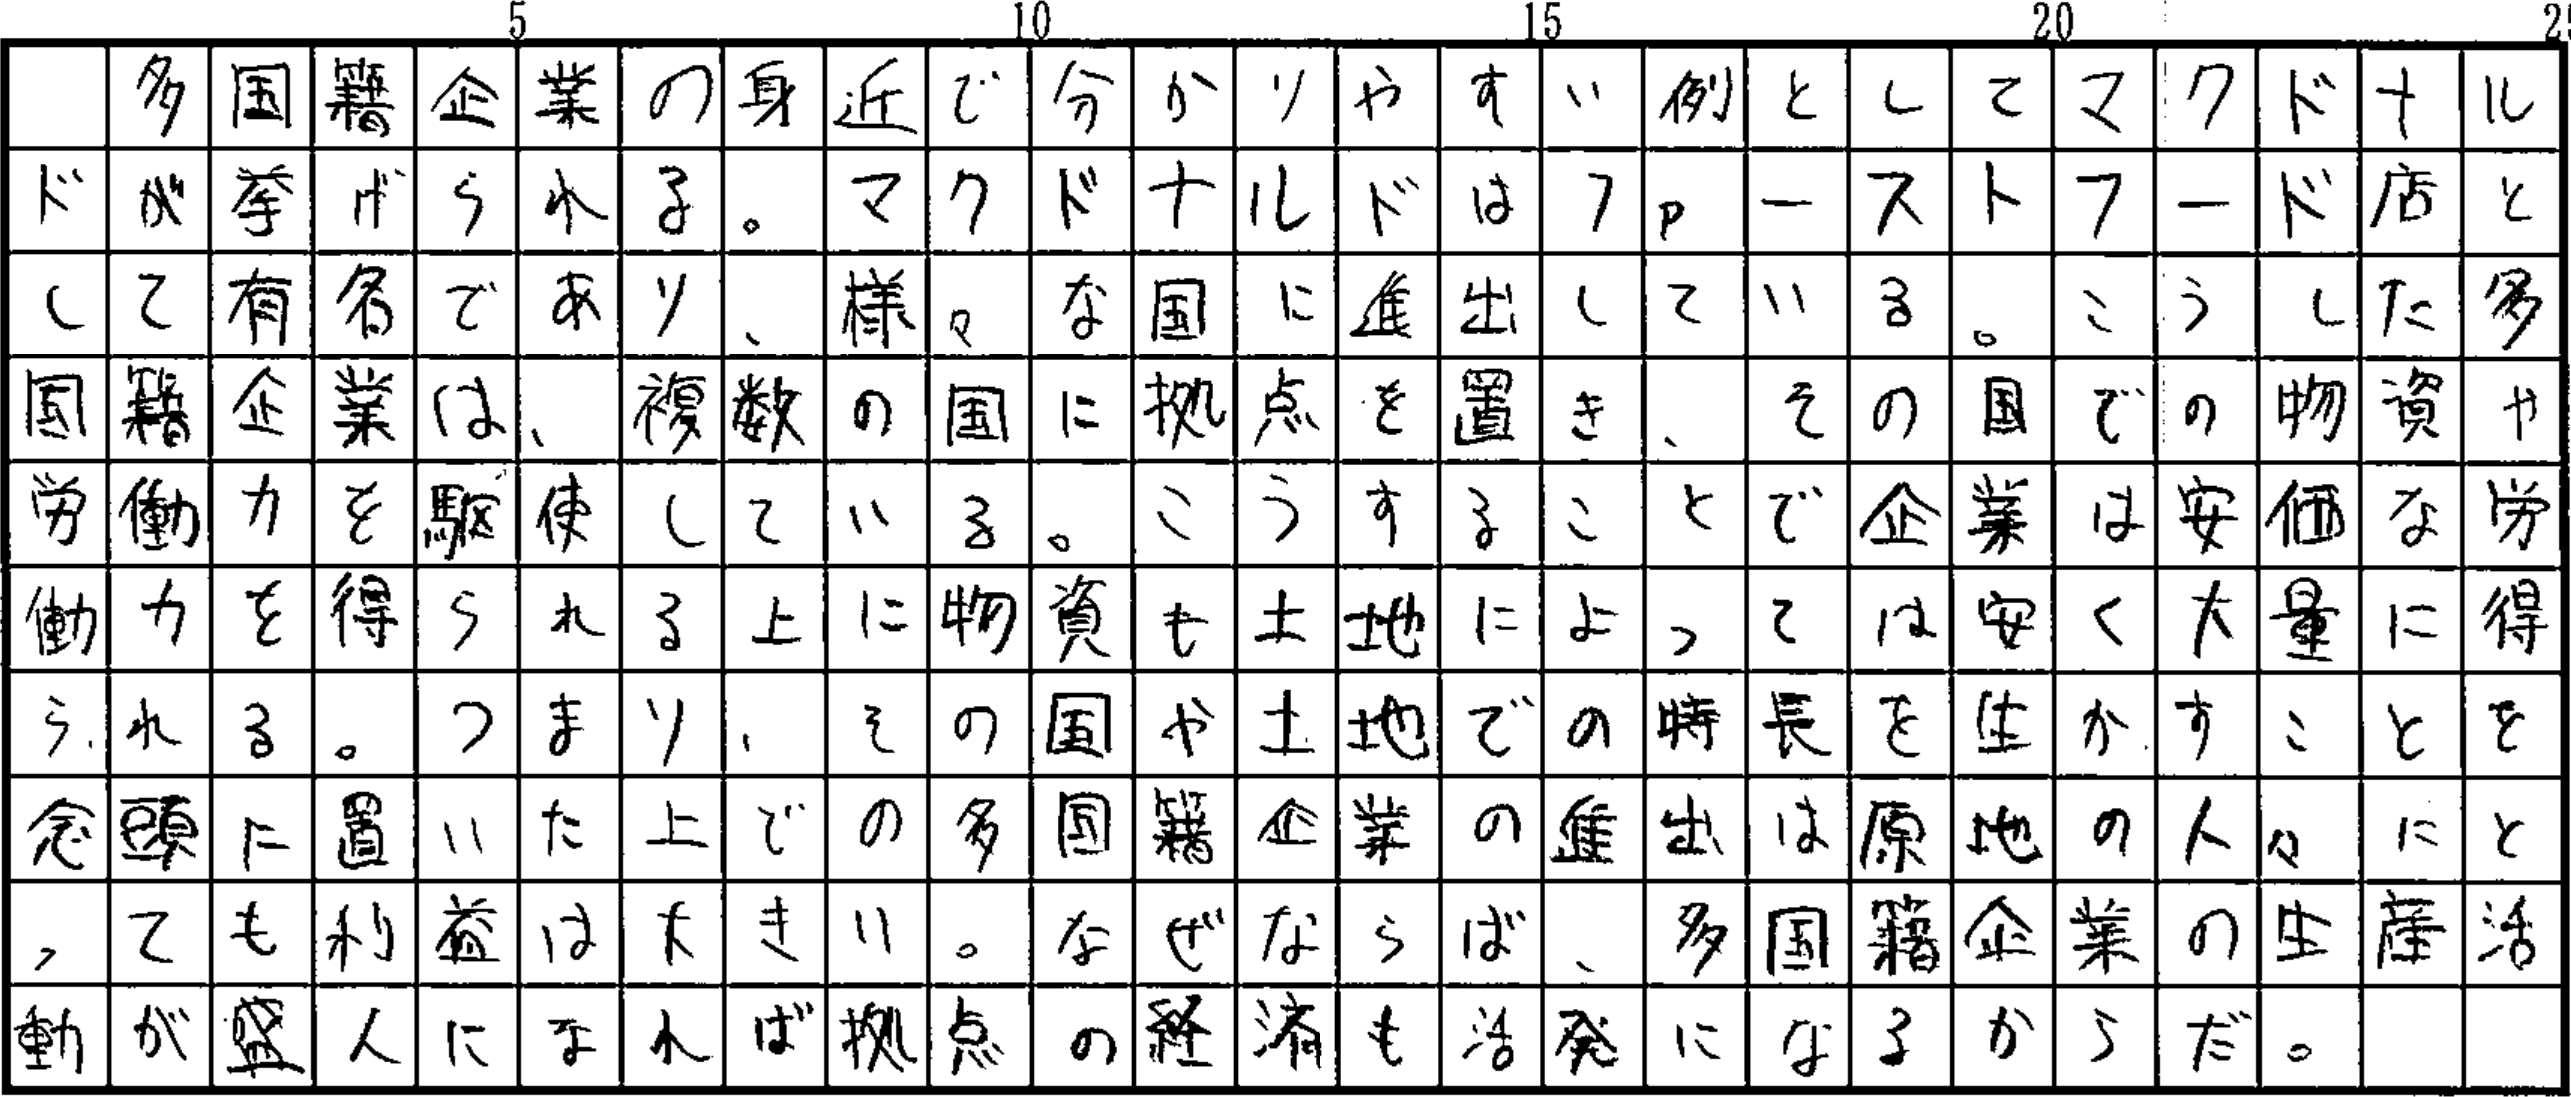　多国籍企業の身近で分かりやすい例としてマクドナルドが挙げられる。マクドナルドはファーストフード店として有名であり、様々な国に進出している。こうした多国籍企業は、複数の国に拠点を置き、その国での物資や労働力を駆使している。こうすることで企業は安価な労働力を得られる上に物資も土地によっては安く大量に得られる。つまり、その国や土地での特長を生かすことを念頭に置いた上での多国籍企業の進出は原地の人々にとっても利益は大きい。なぜならば、多国籍企業の生産活動が盛んになれば拠点の経済も活発になるからだ。
